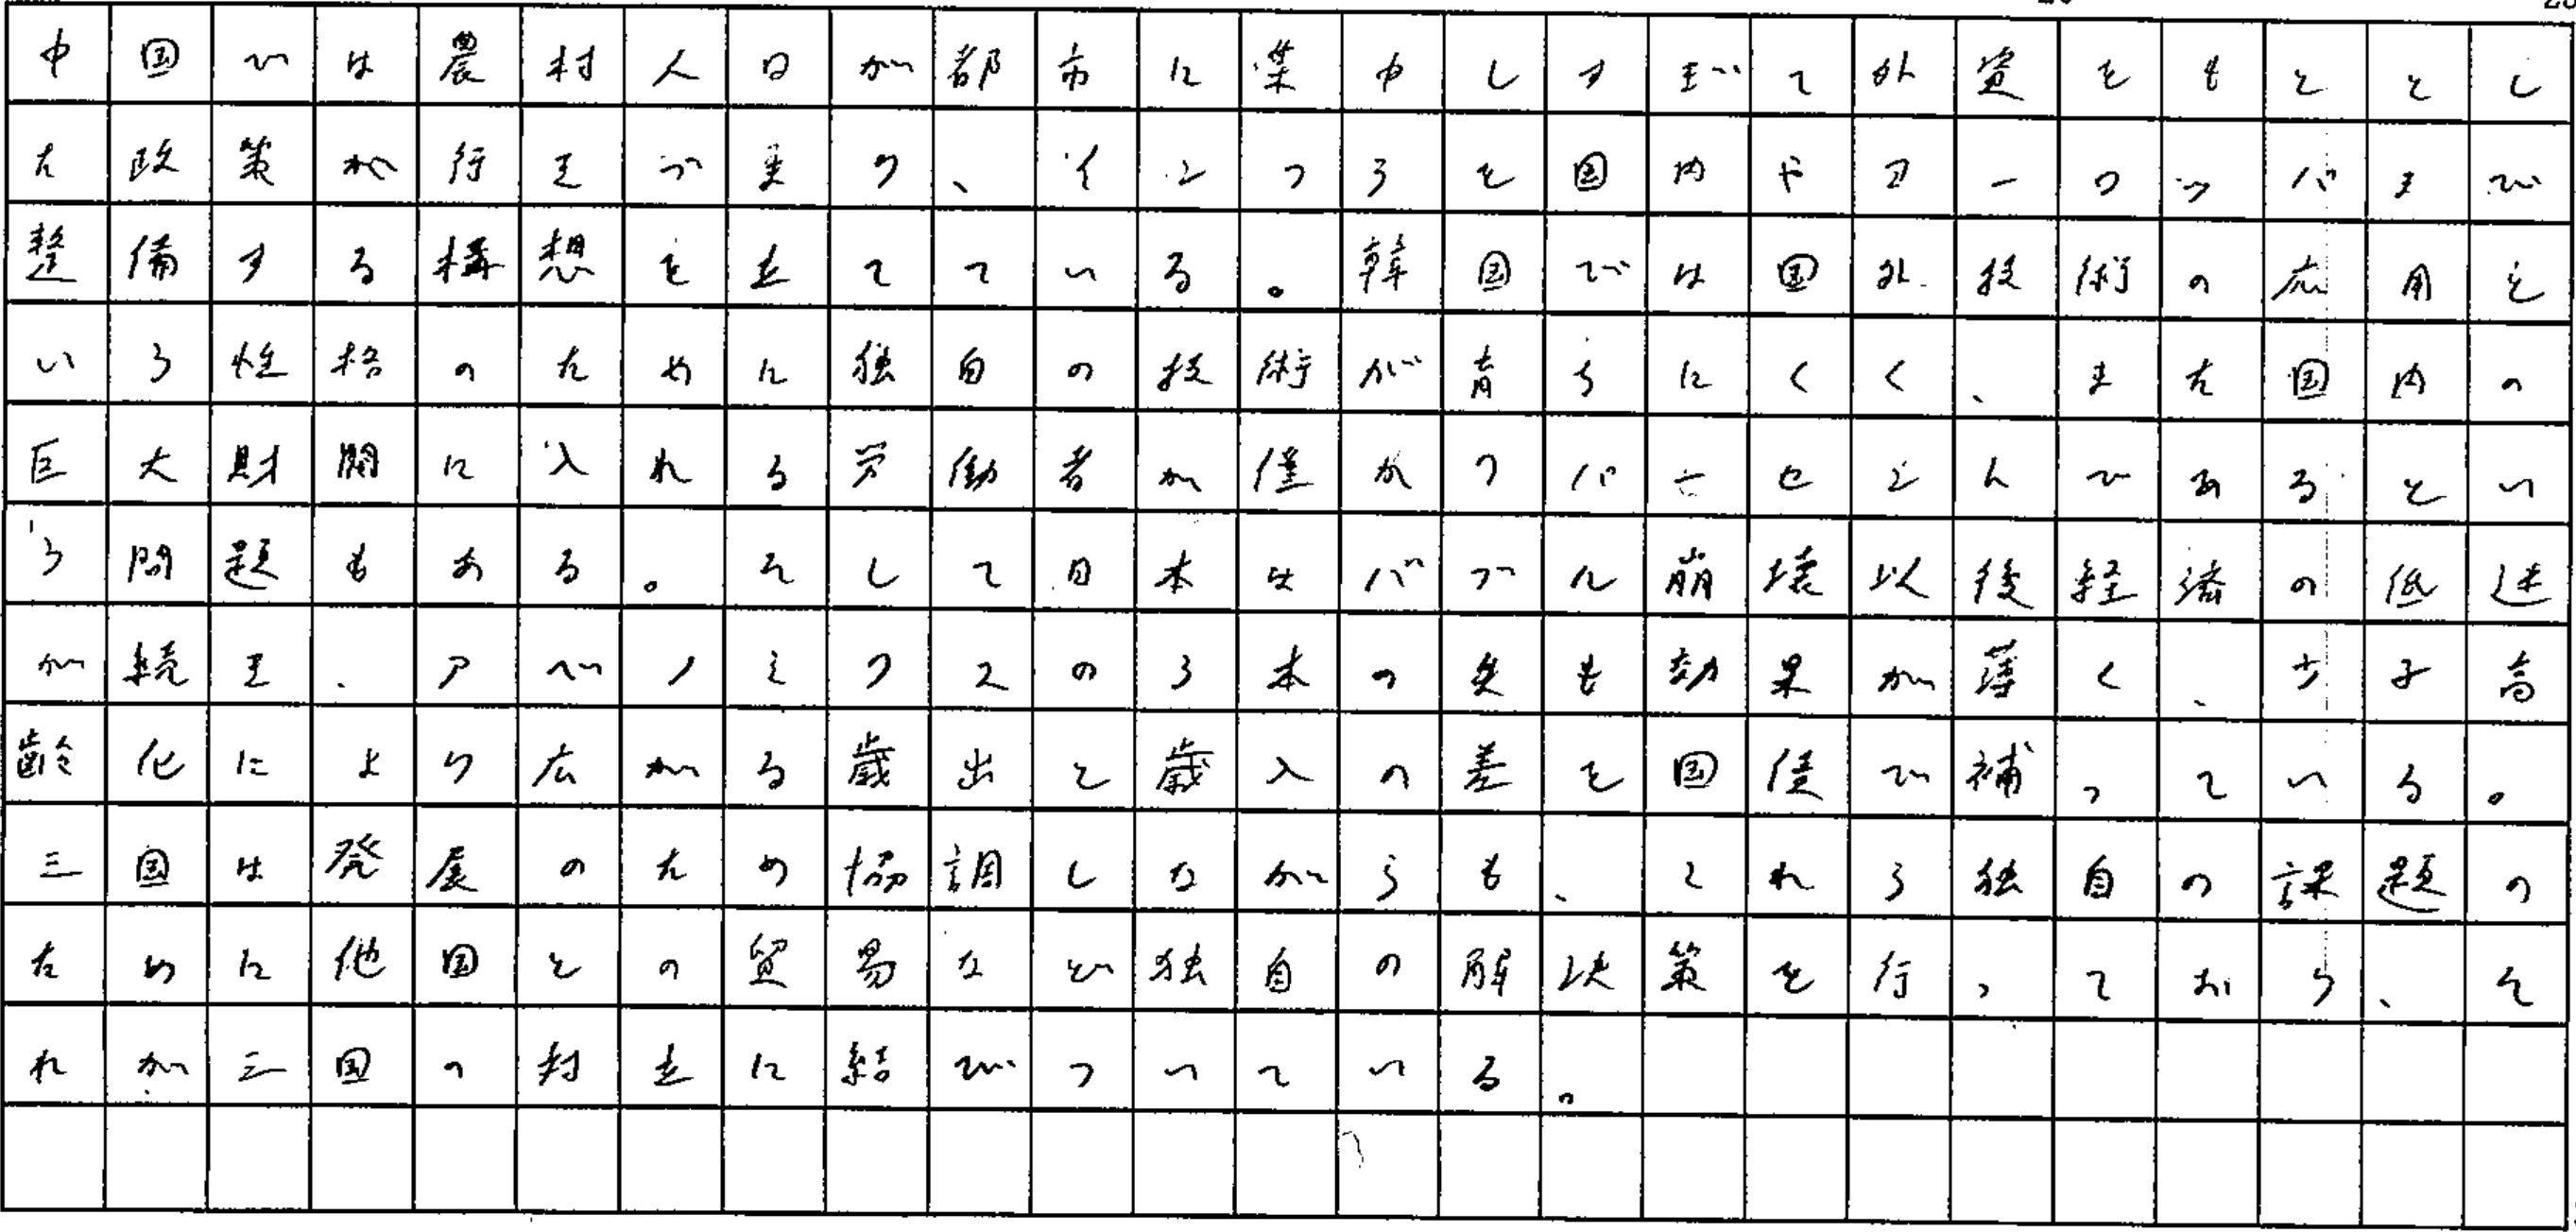中国では農村人口が都市に集中しすぎて外資をもととした政策が行きづまり、インフラを国内やヨーロッパまで整備する構想を立てている。韓国では国外技術の応用という性格のために独自の技術が育ちにくく、また国内の巨大財閥に入れる労働者が僅か７パーセントであるという問題もある。そして日本はバブル崩壊以後経済の低迷が続き、アベノミクスの３本の矢も効果が薄く、少子高齢化により広がる歳出と歳入の差を国債で補っている。三国は発展のため協調しながらも、これら独自の課題のために他国との貿易など独自の解決策を行っており、それが三国の対立に結びついている。
